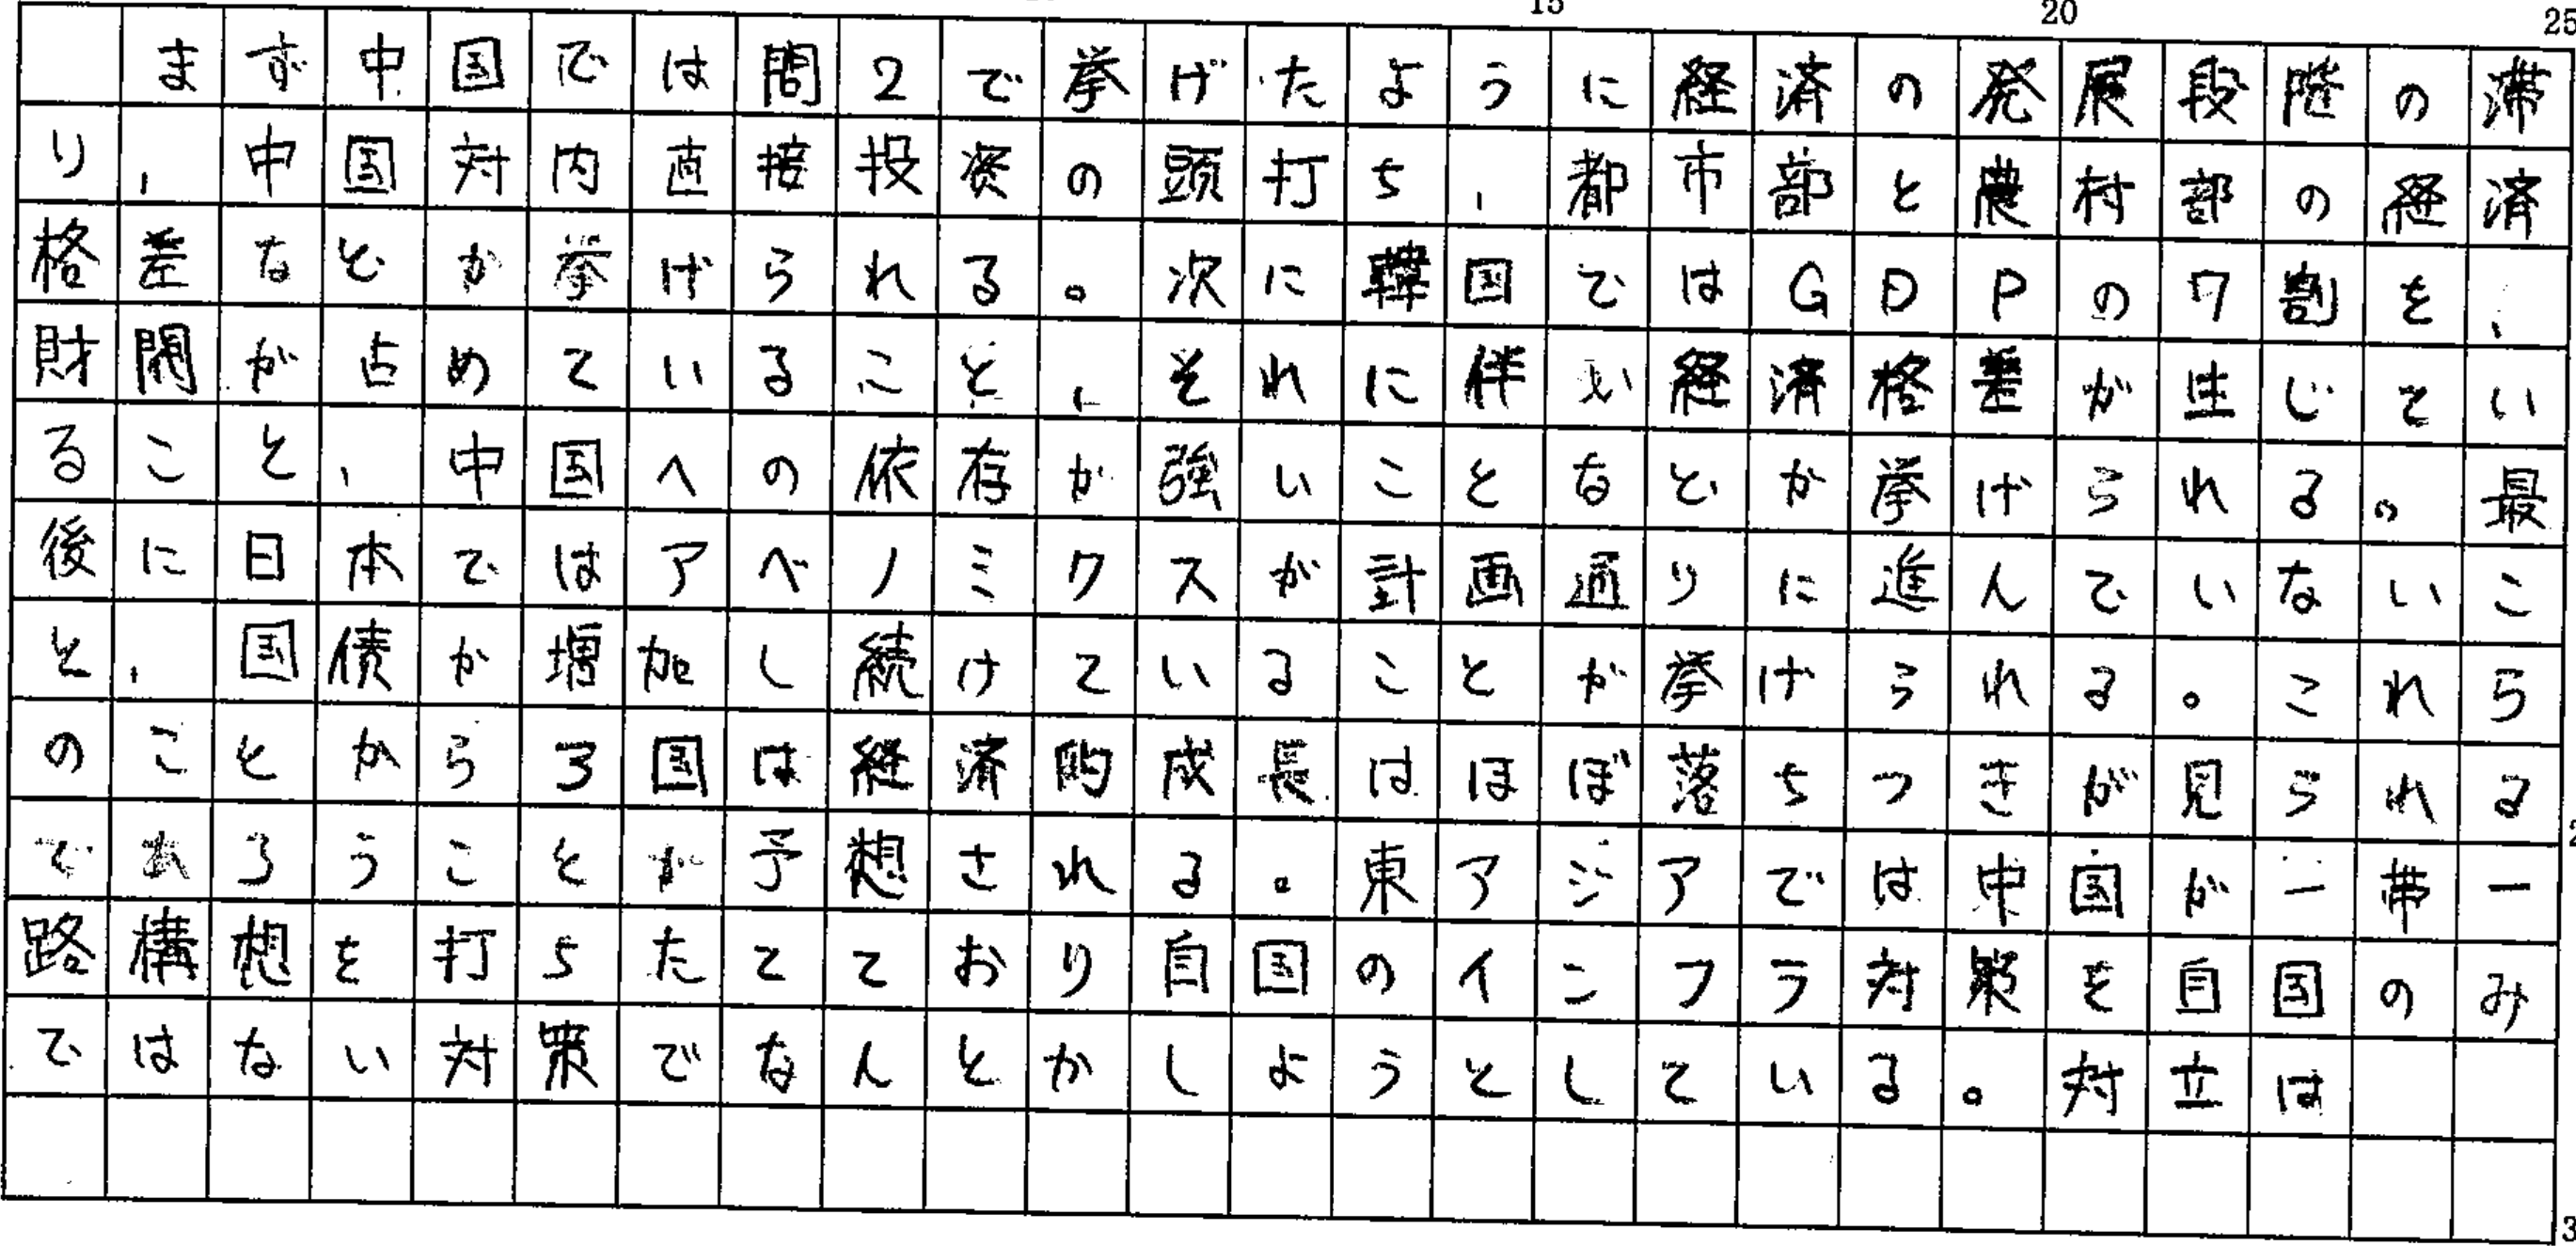　まず中国では問２で挙げたように経済の発展段階の滞り，中国対内直接投資の頭打ち、都市部と農村部の経済格差などが挙げられる。次に韓国ではＧＤＰの７割を、財閥が占めていること、それに伴い経済格差が生じていること、中国への依存が強いことなどが挙げられる。最後に日本ではアベノミクスが計画通りに進んでいないこと、国債か増加し続けていることが挙げられる。これらのことから３国は経済的成長はほぼ落ちつきが見られるであろうことが予想される。東アジアでは中国が一帯一路構想を打ちたてており自国のインフラ対策を自国のみではない対策でなんとかしようとしている。対立は
